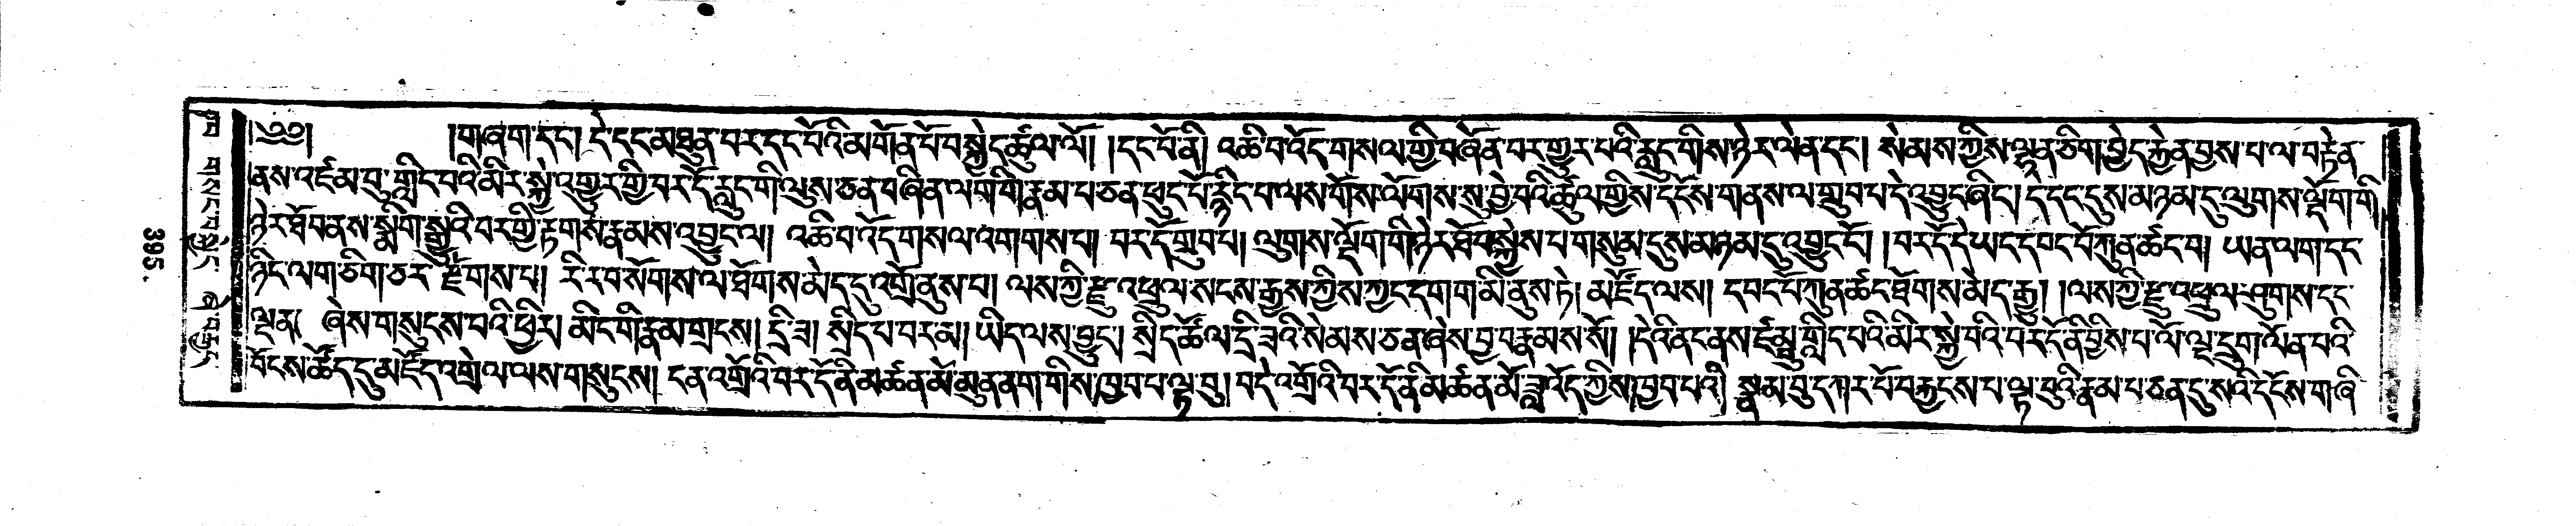༄༅། །གཞག་དང་། དེ་དང་མཐུན་པར་དང་པོའི་མགོན་པོ་བསྐྱེད་ཚུལ་ལོ། །དང་པོ་ནི། འཆི་བ་འོད་གསལ་གྱི་བཞོན་བར་གྱུར་བའི་རླུང་གིས་ཉེར་ལེན་དང་། སེམས་ཀྱིས་ལྷན་ཅིག་བྱེད་རྐྱེན་བྱས་པ་ལ་བརྟེན་
ནས་འཛམ་བུ་གླིང་བའི་མིར་སྐྱེ་འགྱུར་གྱི་བར་དོ་རླུང་གི་ལུས་ཅན་བཞིན་ལག་གི་རྣམ་པ་ཅན་ཕུང་པོ་རྙིང་པ་ལས་གོས་ལོགས་སུ་བྱེ་བའི་ཚུལ་གྱིས་དངོས་གནས་ལ་གྲུབ་པ་དེ་འབྱུང་ཞིང་། དེ་དང་དུས་མཉམ་དུ་ལུགས་ལྡོག་གི་
ཉེར་ཐོབ་ནས་སྨིག་སྒྱུའི་བར་གྱི་རྟགས་རྣམས་འབྱུང་ལ། འཆི་བ་འོད་གསལ་འགགས་པ། བར་དོ་གྲུབ་པ། ལུགས་ལྡོག་གི་ཉེར་ཐོབ་སྐྱེས་པ་གསུམ་དུས་མཉམ་དུ་འབྱུང་ངོ། །བར་དོ་དེ་ཡང་དབང་པོ་ཀུན་ཚང་པ། ཡན་ལག་དང་
ཉིད་ལག་ཅིག་ཅར་རྫོགས་པ། རི་རབ་སོགས་ལ་ཐོགས་མེད་དུ་འགྲོ་ནུས་པ། ལས་ཀྱི་རྫུ་འཕྲུལ་སངས་རྒྱས་ཀྱིས་ཀྱང་དགག་མི་ནུས་ཏེ། མཛོད་ལས། དབང་པོ་ཀུན་ཚང་ཐོགས་མེད་རྒྱུ། །ལས་ཀྱི་རྫུ་འཕྲུལ་ཤུགས་དང་
ལྡན༑ ཞེས་གསུངས་པའི་ཕྱིར། མིང་གི་རྣམ་གྲངས། དྲི་ཟ། སྲིད་པ་བར་མ། ཡིད་ལས་བྱུང་། སྲིད་ཚོལ་དྲི་ཟའི་སེམས་ཅན་ཞེས་བྱ་བ་རྣམས་སོ། །དེའི་ནང་ནས་ཛམྦུ་གླིང་པའི་མིར་སྐྱེ་བའི་བར་དོ་ནི་བྱིས་བ་ལོ་ལྔ་དྲུག་ལོན་པའི་
བོངས་ཚོད་དུ་མཛོད་འགྲེལ་ལས་གསུངས། ངན་འགྲོའི་བར་དོ་ནི་མཚན་མོ་མུན་ནག་གིས་ཁྱབ་པ་ལྟ་བུ། བདེ་འགྲོའི་བར་དོ་ནི་མཚན་མོ་ཟླ་འོད་ཀྱིས་ཁྱབ་པའི། སྣམ་བུ་དཀར་པོ་བརྐྱངས་བ་ལྟ་བུའི་རྣམ་པ་ཅན་དུ་སའི་དངོས་གཞི་